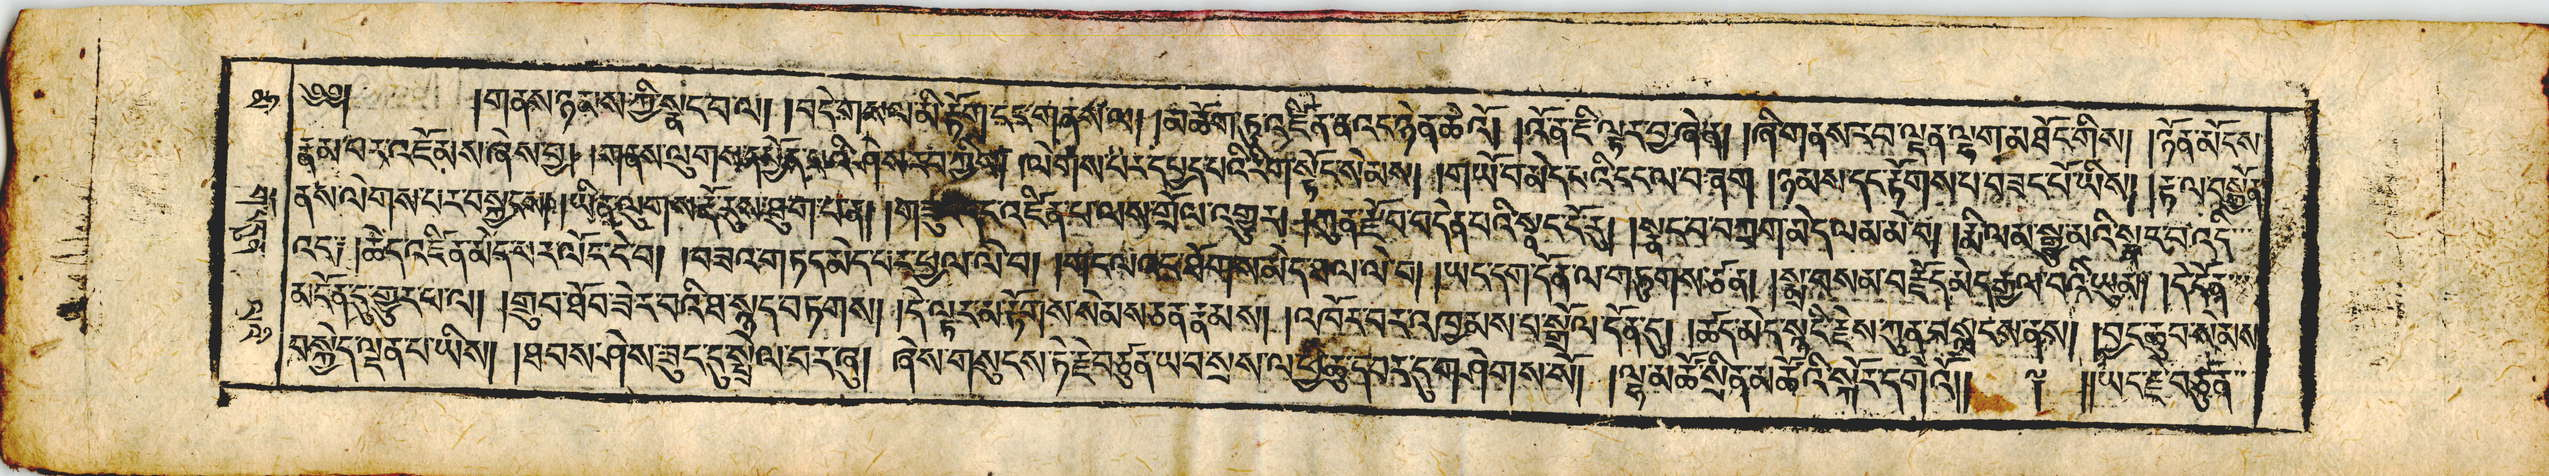གནས་ཉམས་ཀྱི་སྣང་བ་ལ། །བདེ་གསལ་མི་རྟོག་ངང་གནས་ལ། །མཆོག་ཏུ་འཛིན་ནའང་ཉེན་ཆེ་འོ། །འོ་ན་ཇི་ལྟར་བྱ་ཞེ་ན། །ཞི་གནས་རབ་ལྡན་ལྷག་མཐོང་གིས། །ཉོན་མོངས་
རྣམ་པར་འཇོམས་ཞེས་བྱ། །གནས་ལུགས་དཔྱོད་པའི་ཤེས་རབ་ཀྱིས། །ལེགས་པར་དཔྱད་པའི་རིག་སྟོང་སེམས། །གཡོ་བ་མེད་པའི་ངང་ལ་བཞག །ཉམས་དང་རྟོགས་པ་བཟང་པོ་ཡིས། །རྟ་ལ་བསྐྱོན་
ནས་ལེགས་པར་བསྐྱངས ། །ཡིན་ལུགས་རྡོ་རུས་ཐུག་པ་ན། །གཟུང་དང་འཛིན་པ་ལས་གྲོལ་འགྱུར། །ཀུན་རྫོབ་བདེན་པའི་སྣང་ངོ་རུ། །སྣང་བ་བཀྲག་མེད་ལམ་མེ་བ། །རྨི་ལམ་སྒྱུ་མའི་སྣང་བ་འདི་
འདྲ། །ཆེད་འཛིན་མེད་པར་ལོང་ངེ་བ། །གཟའ་གཏད་མེད་པར་ཕྱལ་ལེ་བ། །གང་ལའང་ཐོགས་མེད་ཐལ་ལེ་བ། །ཡང་དག་དོན་ལ་གཏུགས་ཙ་ན། །སྨྲ་བསམ་བརྗོད་མེད་རྒྱལ་བའི་ཡུམ། །དེ་དོན་
མངོན་དུ་གྱུར་པ་ལ། །གྲུབ་ཐོབ་ཟེར་བའི་ཐ་སྙད་བཏགས། །དེ་ལྟར་མ་རྟོགས་སེམས་ཅན་རྣམས། །འཁོར་བར་འཁྱམས་པ་སྒྲོལ་དོན་དུ། །ཚད་མེད་སྙིང་རྗེས་ཀུན་བསླངས་ནས། །བྱང་ཆུབ་སེམས་
བསྐྱེད་ལྡན་པ་ཡིས། །ཐབས་ཤེས་ཟུང་དུ་སྦྲེལ་བར་ཞུ། ཞེས་གསུངས་ཏེ་རྗེ་བཙུན་ཡབ་སྲས་ལ་ཕྱི་ཆུ་དབར་དུ་གཤེགས་སོ། །ལྷ་མཚོ་སྲིན་མཚོའི་སྐོར་དགེའོ།། ༈ །།ཡང་རྗེ་བཙུན་